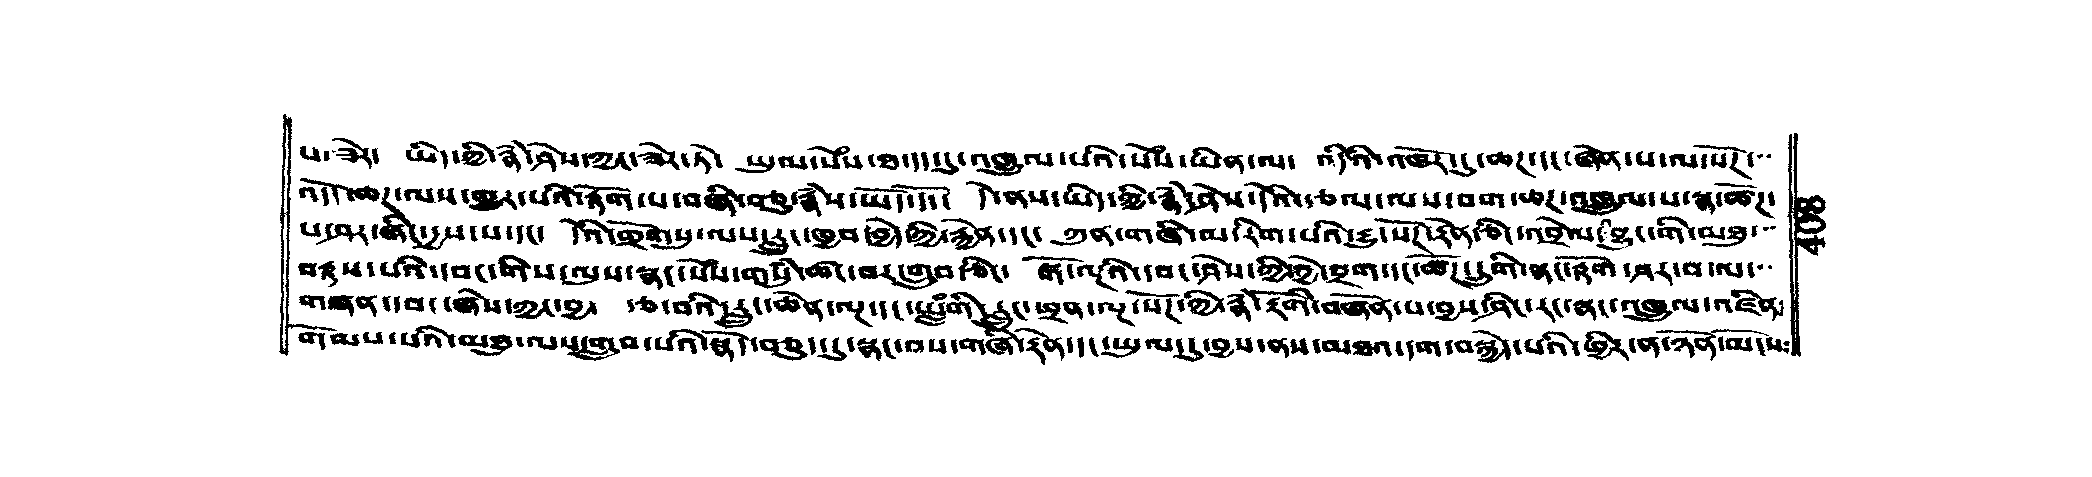པ་ཟེར། ཡིད་ཀྱི་རྣམ་ཤེས་ཀྱང་ཟེར་ཏེ། ཡུལ་སེམས་ཐ་དད་དུ་འཁྲུལ་པའི་སེམས་ཡིན་ལ། འདིའི་འཁོར་དུ་ཆགས་དང་ཞེན་པ་ལ་སོགས་
འདོད་ཆགས་ལས་གྱུར་པའི་རྟོག་པ་བཞི་བཅུ་རྣམས་ཡོད་དོ། དེ་ནས་ཡིད་ཀྱི་རྣམ་ཤེས་དེའི་རྩལ་ལས་བག་ཆགས་འཁྲུལ་པ་སྣ་ཚོགས་
པ་ཤར་ཞིང་རྒྱས་པ་དང་། དེའི་གྲོགས་སུ་ལས་རླུང་ཁྱབ་བྱེད་ཀྱི་རྐྱེན་དང་། ཀུན་གཞི་མ་རིག་པའི་རྒྱུ་སོགས་རྟེན་ཅིང་འབྲེལ་འབྱུང་གི་མཐུ་
བརྟས་པའི་དབང་གིས་ལུས་སྣང་སེམས་གསུམ་ཚང་བར་གྲུབ་ཅིང་། སྒོ་ལྔའི་དབང་ཤེས་ཀྱི་བྱེ་བྲག་དང་ཚོགས་དྲུག་གི་སྣང་རྟོག་ཤར་བ་ལ་
གཞན་དབང་ཞེས་ཀྱང་བྱ། རྩ་བའི་རླུང་ཆེན་ལྔ་དང་ཡན་ལག་གི་རླུང་ཕྲན་ལྔ་སོགས་ཀྱི་རྣམ་རྟོག་གི་བཞོན་པ་བྱས་ཤིང་རང་སྣང་འཁྲུལ་འཛིན་
གོམས་པའི་མཐུ་ལས་གྲུབ་པའི་སྣོད་བཅུད་དུ་སྣང་བས་གཞི་རྟེན་དང་ཡུལ་དུ་བྱས་ནས་མཐའ་དག་བསྐྱེད་པའི་ཕྱིར་ན་ཉོན་མོངས་